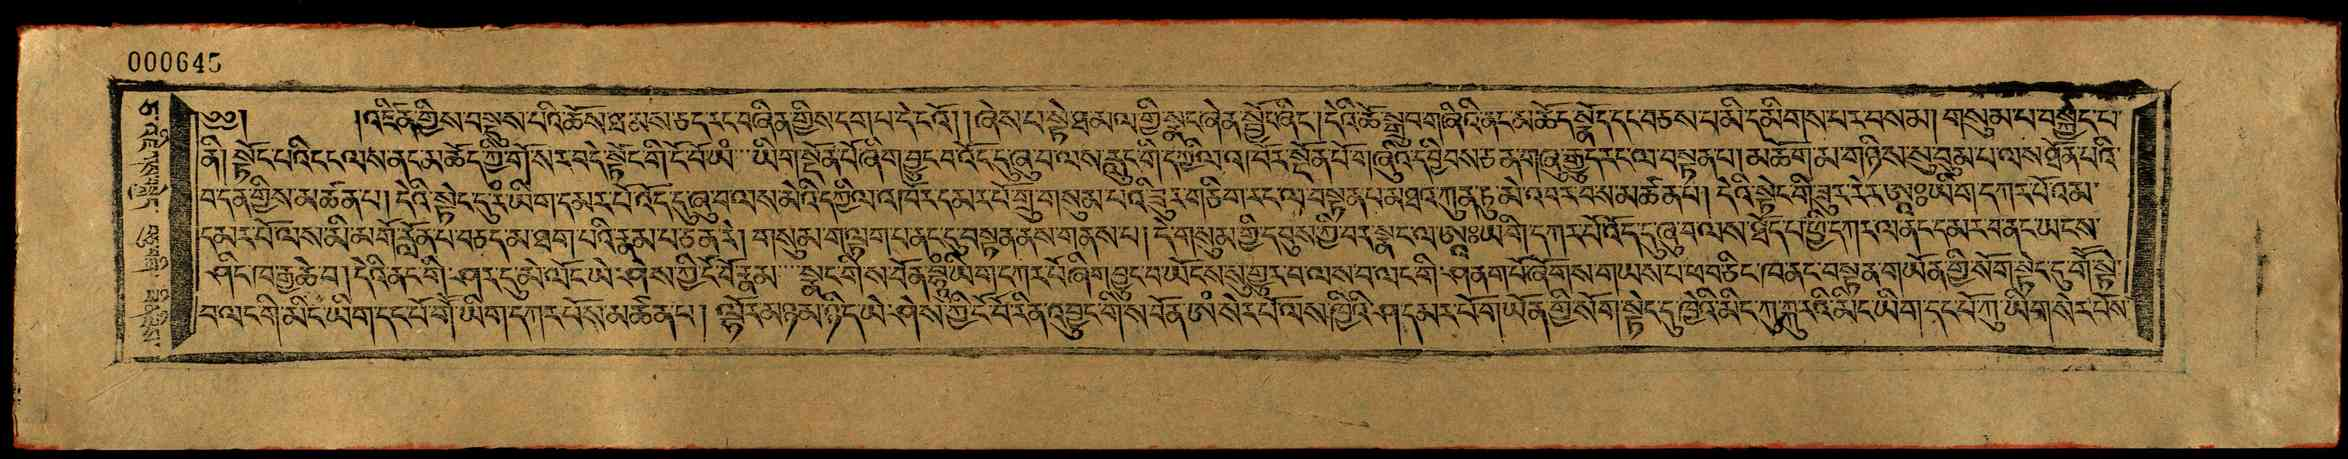༄༅། །འཛིན་གྱིས་བསྡུས་པའི་ཆོས་ཐམས་ཅད་རང་བཞིན་གྱིས་དག་པ་དེ་ངའོ། །ཞེས་པ་སྟེ་ཐ་མལ་གྱི་སྣང་ཞེན་སྦྱོང་ཞིང་། དེའི་ཚེ་སྒྲུབ་གཞིའི་ནང་མཆོད་སྣོད་དང་བཅས་པ་མི་དམིགས་པར་བསམ། གསུམ་པ་བསྐྱེད་པ་
ནི། སྟོང་པའི་ངང་ལས་ནང་མཆོད་ཀྱི་གོ་སར་བདེ་སྟོང་གི་ངོ་བོ་ཡཾ་ཡིག་སྔོན་པོ་ཞིག་བྱུང་བ་འོད་དུ་ཞུ་བ་ལས་རླུང་གི་དཀྱིལ་འཁོར་སྔོན་པོ་གཞུའི་དབྱིབས་ཅན་གཞུ་རྒྱུད་རང་ལ་བསྟན་པ། མཆོག་མ་གཉིས་སུ་བུམ་པ་ལས་ཐོན་པའི་
བ་དན་གྱིས་མཚན་པ། དེའི་སྟེང་དུ་རཾ་ཡིག་དམར་པོ་འོད་དུ་ཞུ་བ་ལས་མེའི་དཀྱིལ་འཁོར་དམར་པོ་གྲུ་གསུམ་པའི་ཟུར་གཅིག་རང་ལ་བསྟན་པ་མཐའ་ཀུན་ཏུ་མེ་འབར་བས་མཚན་པ། དེའི་སྟེང་གི་ཟུར་རེར་ཨཱཿ ཡིག་དཀར་པོ་འམ་
དམར་པོ་ལས་མི་མགོ་རློན་པ་བཅད་མ་ཐག་པའི་རྣམ་པ་ཅན་རེ། གསུམ་ག་ལྟག་པ་ནང་དུ་བསྟན་ནས་གནས་པ། དེ་གསུམ་གྱི་དབུས་ཀྱི་བར་སྣང་ལ་ཨཱཿ ཡིག་དཀར་པོ་འོད་དུ་ཞུ་བ་ལས་ཐོད་པ་ཕྱི་དཀར་ལ་ནང་དམར་བ་ནང་ཡངས་
ཤིང་ཁ་རྒྱ་ཆེ་བ། དེའི་ནང་གི་ཤར་དུ་མེ་ལོང་ཡེ་ཤེས་ཀྱི་ངོ་བོ་རྣམ་སྣང་གི་ས་བོན་བྷྲཱུཾ་ཡིག་དཀར་པོ་ཞིག་བྱུང་བ་ཡོངས་སུ་གྱུར་པ་ལས་བ་ལང་གི་ཤ་ནག་པོ་ཞོགས་གཡས་པ་ཕབ་ཅིང་ཁ་ནང་བསྟན་གཡོན་གྱི་སོག་སྟེང་དུ་གཽ་སྟེ་
བ་ལང་གི་མིང་ཡིག་དང་པོ་གཽ་ཡིག་དཀར་པོས་མཚན་པ། ལྷོར་མཉམ་ཉིད་ཡེ་ཤེས་ཀྱི་ངོ་བོ་རིན་འབྱུང་གི་ས་བོན་ཨཾ་སེར་པོ་ལས་ཁྱིའི་ཤ་དམར་པོ་གཡོན་གྱི་སོག་སྟེང་དུ་ཁྱིའི་མིང་ཀུཀྐུ་རའི་མིང་ཡིག་དང་པོ་ཀུ་ཡིག་སེར་པོས་